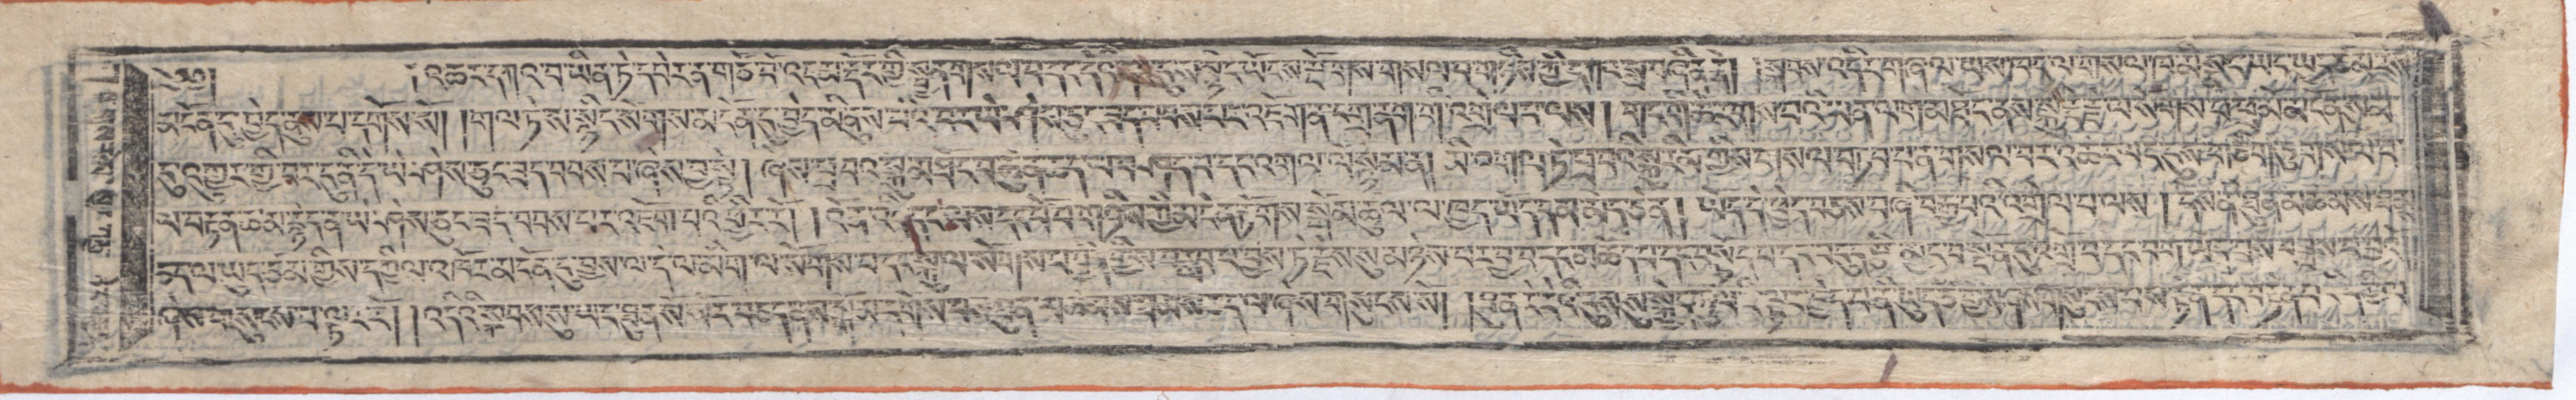༄༅། །འཆར་དཀའ་བ་ཡིན་ཏེ་དཔེར་ན་གཙོ་བོ་འཇམ་རྡོར་གྱི་སྤྱན་གསལ་བ་དང་དེའི་ནང་དུ་ས་སྙིང་ཡོངས་རྫོགས་གསལ་བ་གཉིས་ཀྱི་དཀའ་སླ་བཞིན་ནི། །སྐབས་འདིར་གཞལ་ཡས་ཁང་ལ་གསལ་ཁ་མི་སྣང་ཡང་ཡུད་ཙམ་རེས་
མངོན་དུ་བྱེད་ནུས་པ་དགོས་སོ། །གལ་ཏེ་ས་སྙིང་སོགས་མངོན་དུ་བྱེད་མི་ནུས་པའི་བར་ཡེ་ཤེས་ཅུང་ཟད་བབས་པར་འཇོག་ན་དགྲ་ནག་གི་འགྲེལ་པ་ལས། གང་གི་ཚེ་རགས་པའི་ཡན་ལག་མཐོང་ནས་སྐུ་རྡོ་རྗེ་ལ་སོགས་པ་ཕྲ་མོ་མངོན་སུམ་
དུ་འགྱུར་གྱི་བར་དུ་ནི་དེ་ཡེ་ཤེས་ཅུང་ཟད་བབས་པ་ཞེས་བྱ་སྟེ། ཞེས་ཕྲ་བའི་སྐུ་མཐོང་བ་ཚུན་ཆད་ལ་བཤད་པ་དང་འགལ་ལོ་སྙམ་ན། མི་འགལ་ཏེ་ཕྲ་བའི་སྐུ་རིམ་གྱིས་གསལ་བཏབ་པ་ན་གསོལ་བར་འཆར་ལང་དུས་གཅིག་ཏུ་གསལ་བ་
ལ་བརྟན་ཆ་མ་རྙེད་ན་ཡེ་ཤེས་ཅུང་ཟད་བབས་པར་འཇོག་པའི་ཕྱིར་རོ། །འོ་ན་འདི་དང་ལས་དང་པོ་བ་གཉིས་ཀྱི་མངོན་རྟོགས་སྒོམ་ཚུལ་ལ་ཁྱད་ཡོད་དམ་མེད་ཅེ་ན། ཡོད་དེ་ཕྱེད་བཅས་བཞི་བརྒྱ་པའི་འགྲེལ་པ་ལས། དེས་ནི་ཐུན་མཚམས་ཐམས་
ཅད་ལ་ཡུད་ཙམ་གྱིས་དཀྱིལ་འཁོར་མངོན་དུ་བྱས་ལ་དེ་ལ་མིག་ལ་སོགས་པ་དང་སྐུ་ལ་སོགས་པ་བྱིན་གྱིས་བརླབ་པ་བྱས་ཏེ་རྗེས་སུ་མཉེས་པར་བྱ་བ་དང་མཆོད་པ་དང་བསྟོད་པ་དང་བདུད་རྩི་མྱང་བ་སྔོན་དུ་འགྲོ་བ་དང་བག་ཡོད་པས་བཟླས་པ་བྱའོ། །
ཞེས་གསུངས་པ་ལྟར་རོ། །འདིའི་སྐབས་སུ་ཡང་ཐུན་སོ་སོར་བཅད་ནས་སྒོམ་དགོས་པས་ཐུན་མཚམས་ཐམས་ཅད་ལ་ཞེས་གསུངས་སོ། །ཐུན་རེ་རེའི་དུས་སུ་སྐྱེད་ཚུལ་ཇི་ལྟར་བྱེད་པ་ནི་ཡུད་ཙམ་གྱིས་ཞེས་གསུངས་པས་རྟེན་དང་བརྟེན་པའི་དཀྱིལ་